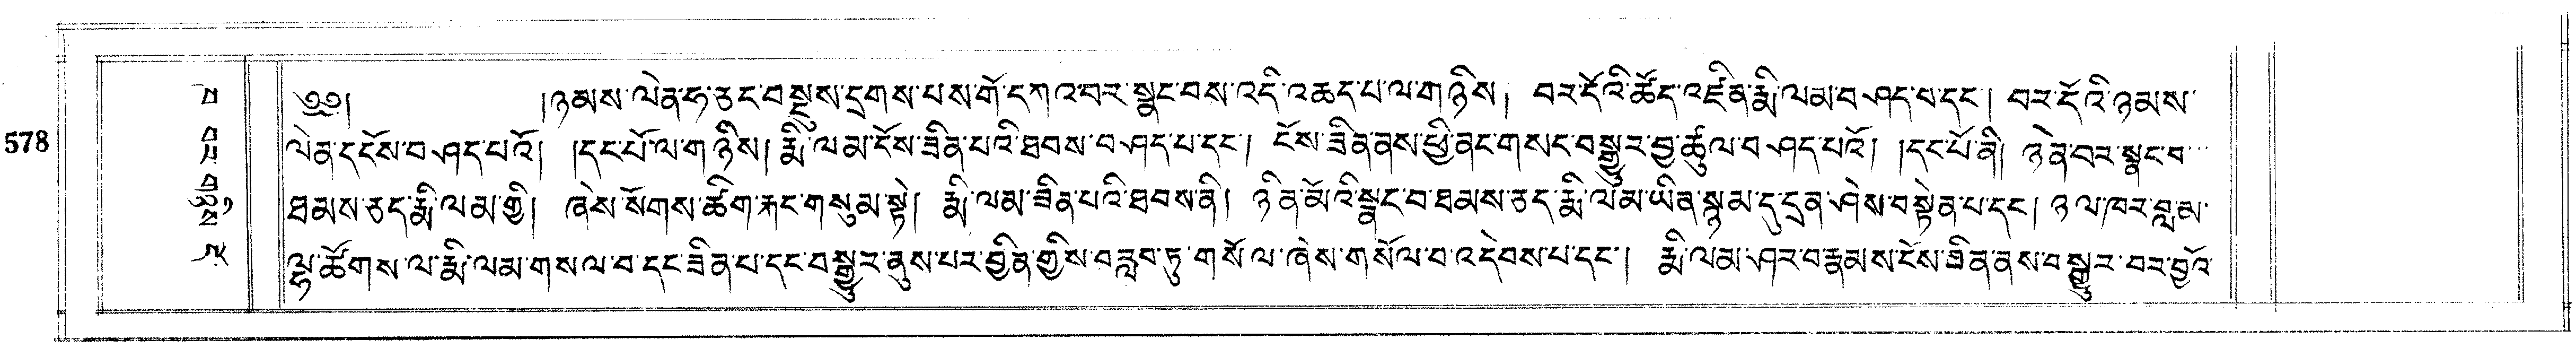༄༅། །ཉམས་ལེན་ཧ་ཅང་བསྡུས་དྲགས་པས་གོ་དཀའ་བར་སྣང་བས་འདི་འཆད་པ་ལ་གཉིས། བར་དོའི་ཚོད་འཛིན་རྨི་ལམ་བཤད་པ་དང་། བར་དོའི་ཉམས་
ལེན་དངོས་བཤད་པའོ། །དང་པོ་ལ་གཉིས། རྨི་ལམ་ངོས་ཟིན་པའི་ཐབས་བཤད་པ་དང་། ངོས་ཟིན་ནས་ཕྱི་ནང་གསང་བསྒྱུར་བྱ་ཚུལ་བཤད་པའོ། །དང་པོ་ནི། ཉེན་བར་སྣང་བ་
ཐམས་ཅད་རྨི་ལམ་གྱི། ཞེས་སོགས་ཚིག་རྐང་གསུམ་སྟེ། རྨི་ལམ་ཟིན་པའི་ཐབས་ནི། ཉིན་མོའི་སྣང་བ་ཐམས་ཅད་རྨི་ལམ་ཡིན་སྙམ་དུ་དྲན་ཤེས་བསྟེན་པ་དང་། ཉལ་ཁར་བླ་མ་
ལྷ་ཚོགས་ལ་རྨི་ལམ་གསལ་བ་དང་ཟིན་པ་དང་བསྒྱུར་ནུས་པར་བྱིན་གྱིས་བརླབ་ཏུ་གསོལ་ཞེས་གསོལ་བ་འདེབས་པ་དང་། རྨི་ལམ་ཤར་བ་རྣམས་ངོས་ཟིན་ནས་བསྒྱུར་བར་བྱའོ་